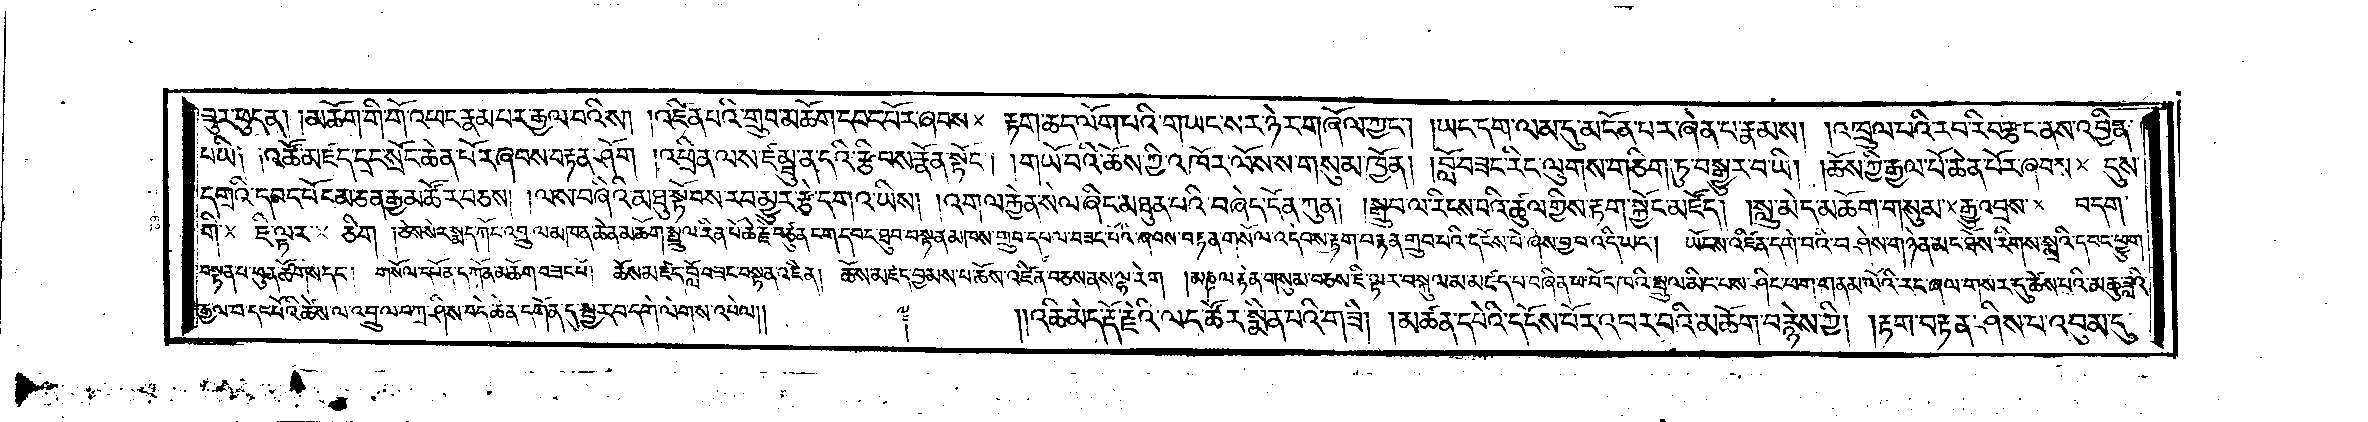ཟུར་ཕུད་ན། །མཆོག་གི་གོ་འཕང་རྣམ་པར་རྒྱལ་བའི་ས། །འཛིན་པའི་གྲུང་མཆོག་དབང་པོར་ཞབས་྾་རྟག་ཆད་ལོག་པའི་གཡང་སར་ཉེར་གཞོལ་ཀྱང་། །ཡང་དག་ལམ་དུ་མངོན་པར་ཞེན་པ་རྣམས། །འཁྲུལ་པའི་རབ་རིབ་རྩད་ནས་འབྱིན་
པ་ཡི། ༑འཚོ་མཛད་དྲང་སྲོང་ཆེན་པོར་ཞབས་བརྟན་ཤོག །འཕྲིན་ལས་ཛམྦྷུ་ན་དའི་རྩིབས་རྣོན་སྟོང་། །གཡོ་བའི་ཆོས་ཀྱི་འཁོར་ལོས་ས་གསུམ་ཁྱོན། །བློ་བཟང་རིང་ལུགས་གཅིག་ཏུ་བསྒྱུར་བ་ཡི། །ཆོས་ཀྱི་རྒྱལ་པོ་ཆེན་པོར་ཞབས་྾་དུས་
དགྲའི་དབང་པོ་དམ་ཅན་རྒྱ་མཚོར་བཅས། །ལས་བཞིའི་མཐུ་སྟོབས་རབ་མྱུར་རྩེ་དགའ་ཡིས། །འགལ་རྐྱེན་སེལ་ཞིང་མཐུན་པའི་བཞེད་དོན་ཀུན། །སྒྲུབ་ལ་རིངས་བའི་ཚུལ་གྱིས་རྟག་སྐྱོང་མཛོད། །སླུ་མེད་མཆོག་གསུམ་྾་རྒྱུ་འབྲས་྾་བདག་
གི་྾་ཇི་ལྟར་྾་ཅིག །ཅེས་སེར་སྨད་ཀོང་འབྲུ་ལ་མཁན་ཆེན་མཆོག་སྦྲུལ་རིན་པོ་ཆེ་རྗེ་བཙུན་ངག་དབང་ཐུབ་བསྟན་མཁས་གྲུབ་དཔལ་བཟང་པོའི་ཞབས་བརྟན་གསོལ་འདེབས་རྟག་བརྟན་གྲུབ་པའི་དངོས་པོ་ཞེས་བྱ་བ་འདི་ཡང་། ཡོངས་འཛིན་དགེ་བའི་བཤེས་གཉེན་མང་ཐོས་རིགས་སྨྲའི་དབང་ཕྱུག་
བསྟན་ཕ་ཕུན་ཚོགས་དང་། གསོལ་དཔོན་དཀོན་མཆོག་བཟང་པོ། ཆོས་མངད་བློ་བཟང་བསྟན་འཛིན། ཆོས་མཛད་བྱམས་པ་ཆོས་འཛིན་བཅས་ནས་ལྷ་རེག །མཎྜལ་རྟེན་གསུམ་བཅས་ཇི་ལྟར་བསྐུལ་མ་མཛད་པ་བཞིན་ཕ་བོང་ཁའི་སྤྲུལ་མིང་པས་ཤིང་ཕག་གནམ་ལོའི་རང་ཞལ་གསར་དུ་ཚེས་པའི་མཆུ་ཟླའི་
རྒྱལ་བ་དང་པོའི་ཚེས་ལ་འབྲུ་ལ་བཀྲ་ཤིས་བདེ་ཆེན་དགོན་དུ་སྦྱར་བ་དགེ་ལེགས་འཕེལ།། ༈ །།འཆི་མེད་རྡོ་རྗེའི་ལང་ཚོར་སྨིན་པའི་གཟི། །མཚན་དཔེའི་དངོས་པོར་འབར་བའི་མཆོག་བརྙེས་ཀྱི། །རྟག་བརྟན་ཤིས་པ་འབུམ་དུ་